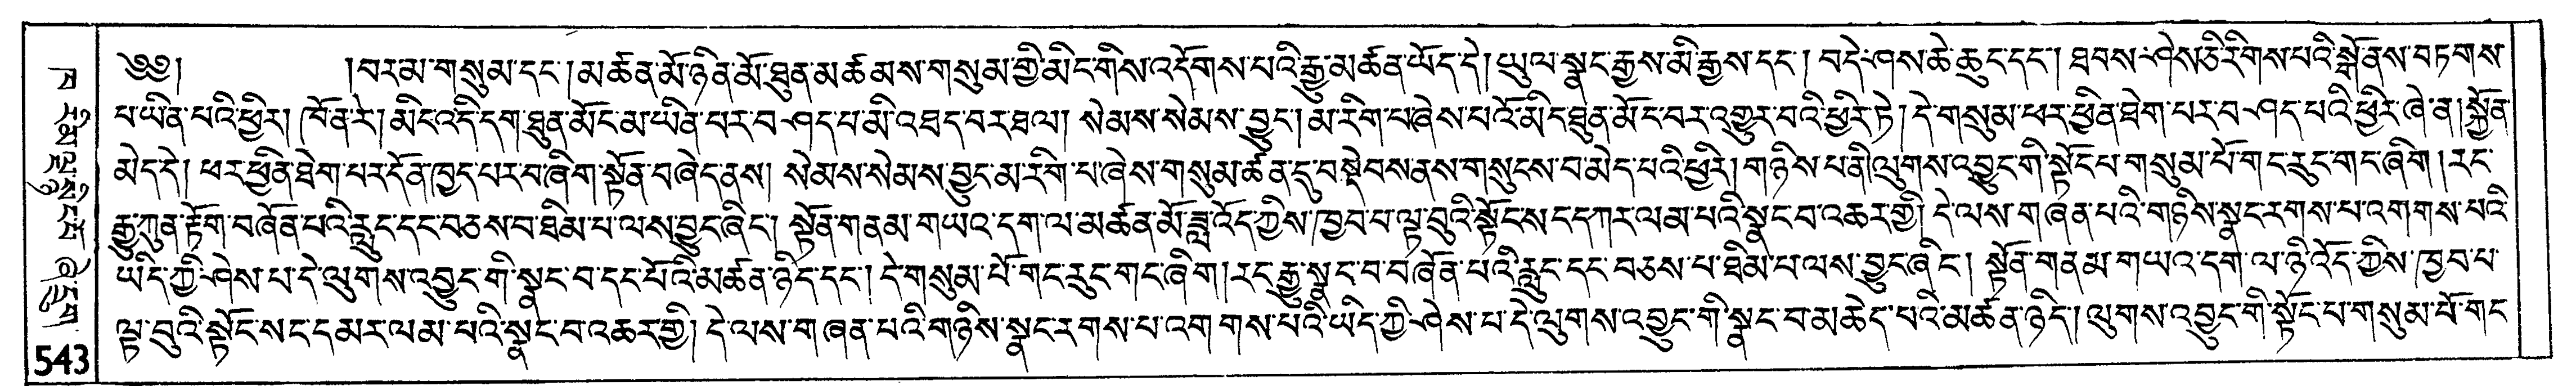༄༅། །བར་མ་གསུམ་དང་། མཚན་མོ་ཉིན་མོ་ཐུན་མཚམས་གསུམ་གྱི་མིང་གིས་འདོགས་པའི་རྒྱུ་མཚན་ཡོད་དེ། ཡུལ་སྣང་རྒྱས་མི་རྒྱས་དང་། བདེ་ཤས་ཆེ་ཆུང་དང་། ཐབས་ཤེས་ཅི་རིགས་པའི་སྒོ་ནས་བཏགས་
པ་ཡིན་པའི་ཕྱིར། ཁོ་ན་རེ། མིང་འདི་དག་ཐུན་མོང་མ་ཡིན་པར་བཤད་པ་མི་འཐད་བར་ཐལ། སེམས་སེམས་བྱུང་། མ་རིག་པ་ཞེས་པའོ་མིང་ཐུན་མོང་བར་འགྱུར་བའི་ཕྱིར་ཏེ། དེ་གསུམ་ཕར་ཕྱིན་ཐེག་པར་བཤད་པའི་ཕྱིར་ཞེ་ན། སྐྱོན་
མེད་དེ། ཕར་ཕྱིན་ཐེག་པར་དོན་ཁྱད་པར་བ་ཞིག་སྟོན་བཞེད་ནས། སེམས་སེམས་བྱུང་མ་རིག་པ་ཞེས་གསུམ་ཚན་དུ་བསྡེབས་ནས་གསུངས་བ་མེད་པའི་ཕྱིར། གཉིས་པ་ནི། ལུགས་འབྱུང་གི་སྟོང་པ་གསུམ་པོ་གང་རུང་གང་ཞིག །རང་
རྒྱུ་ཀུན་རྟོག་བཞོན་པའི་རླུང་དང་བཅས་པ་ཐིམ་པ་ལས་བྱུང་ཞིང་། སྟོན་གནམ་གཡའ་དག་ལ་མཚན་མོ་ཟླ་འོད་ཀྱིས་ཁྱབ་པ་ལྟ་བུའི་སྟོང་སང་དཀར་ལམ་པའི་སྣང་བ་འཆར་གྱི། དེ་ལས་གཞན་པའི་གཉིས་སྣང་རགས་པ་འགགས་པའི་
ཡིད་ཀྱི་ཤེས་པ་དེ་ལུགས་འབྱུང་གི་སྣང་བ་དང་པོའི་མཚན་ཉིད་དང་། དེ་གསུམ་པོ་གང་རུང་གང་ཞིག །རང་རྒྱུ་སྣང་བ་བཞོན་པའི་རླུང་དང་བཅས་པ་ཐིམ་པ་ལས་བྱུང་ཞིང་། སྟོན་གནམ་གཡའ་དག་ལ་ཉི་འོད་ཀྱིས་ཁྱབ་པ་
ལྟ་བུའི་སྟོང་སང་དམར་ལམ་པའི་སྣང་བ་འཆར་གྱི། དེ་ལས་གཞན་པའི་གཉིས་སྣང་རགས་པ་འགགས་པའི་ཡིད་ཀྱི་ཤེས་པ་དེ་ལུགས་འབྱུང་གི་སྣང་བ་མཆེད་པའི་མཚན་ཉིད། ལུགས་འབྱུང་གི་སྟོང་པ་གསུམ་པོ་གང་